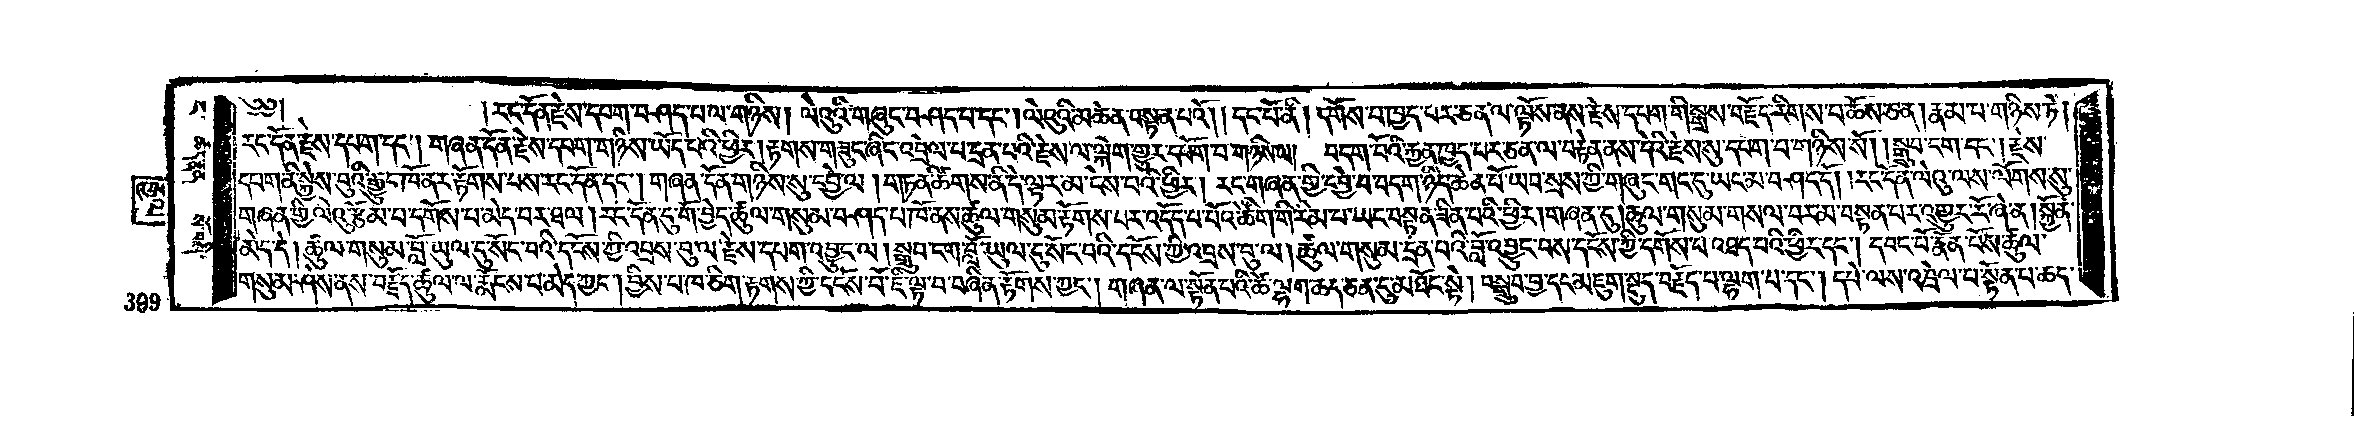༄༅། །རང་དོན་རྗེས་དཔག་བཤད་པ་ལ་གཉིས། ལེའུའི་གཞུང་བཤད་པ་དང་། ལེའུའི་མཚན་བསྟན་པའོ། །དང་པོ་ནི། དགོས་པ་ཁྱད་པར་ཅན་ལ་ལྟོས་ནས་རྗེས་དཔག་གི་སྒྲས་བརྗོད་རིགས་པ་ཆོས་ཅན། རྣམ་པ་གཉིས་ཏེ།
རང་དོན་རྗེ་དཔག་དང་། གཞན་དོན་རྗེས་དཔག་གཉིས་ཡོད་པའི་ཕྱིར། རྟགས་གཟུང་ཞིང་འབྲེལ་པ་དྲན་པའི་རྗེས་ལ་ལྐོག་གྱུར་དཔོག་པ་གཉིས་ལ། བདག་པོའི་རྐྱན་ཁྱད་པར་ཅན་ལ་བརྟེན་ནས་དེའི་རྗེས་སུ་དཔག་པ་གཉིས་སོ། །སྒྲུབ་ངག་དང་། རྗེས་
དཔག་ནི་སྐྱེས་བུའི་རྒྱུད་ཁོ་ནར་རྟོགས་པས་རང་དོན་དང་། གཞན་དོན་གཉིས་སུ་དབྱེ་ལ། གཏན་ཚིགས་ནི་དེ་ལྟར་མ་ངེས་པའི་ཕྱིར། རང་གཞན་གྱི་དབྱེ་བ་བདག་ཉིད་ཆེན་པོ་ཡབ་སྲས་ཀྱི་གཟུང་གང་དུ་ཡང་མ་བཤད་དོ། །རང་དོན་ལེའུ་ལས་ལོགས་སུ་
གཞན་གྱི་ལེའུ་རྩོམ་པ་དགོས་པ་མེད་པར་ཐལ། རང་དོན་དུ་གོ་བྱེད་ཚུལ་གསུམ་བཤད་པ་ཁོ་ནས་ཚུལ་གསུམ་རྟོགས་པར་འདོད་པ་པོའི་ཚིག་གི་རིམ་པ་ཡང་བསྟན་ཟིན་པའི་ཕྱིར། གཞན་དུ། ཚུལ་གསུམ་གསལ་བར་མ་བསྟན་པར་འགྱུར་རོ་ཞེ་ན། སྐྱོན་
མེད་དེ། ཚུལ་གསུམ་བློ་ཡུལ་དུ་སོང་བའི་དངོས་ཀྱི་འབྲས་བུ་ལ་རྗེས་དཔག་འབྱུང་ལ། སྒྲུབ་ངག་བློ་ཡུལ་དུ་སོང་བའི་དངོས་ཀྱི་འབྲས་བུ་ལ། ཚུལ་གསུམ་དྲན་པའི་བློ་འབྱུང་བས་དངོས་ཀྱི་དགོས་པ་འཐད་པའི་ཕྱིར་དང་། དབང་པོ་རྣོན་པོས་ཚུལ་
གསུམ་ཤེས་ནས་བརྗོད་ཚུལ་ལ་རྨོངས་པ་མེད་ཀྱང་། བྱིས་པ་ཁ་ཅིག་རྟགས་ཀྱི་དངོས་པོ་ཇི་ལྟ་བ་བཞིན་རྟོགས་ཀྱང་གཞན་ལ་སྟོན་པའི་ཚེ་ལྷག་ཆད་ཅན་དུ་མཐོང་སྟེ། བསྒྲུབ་བྱ་དང་མཇུག་སྡུད་བརྗོད་པ་ལྷག་པ་དང་། དཔེ་ལས་འབྲེལ་པ་སྟོན་པ་ཆད་